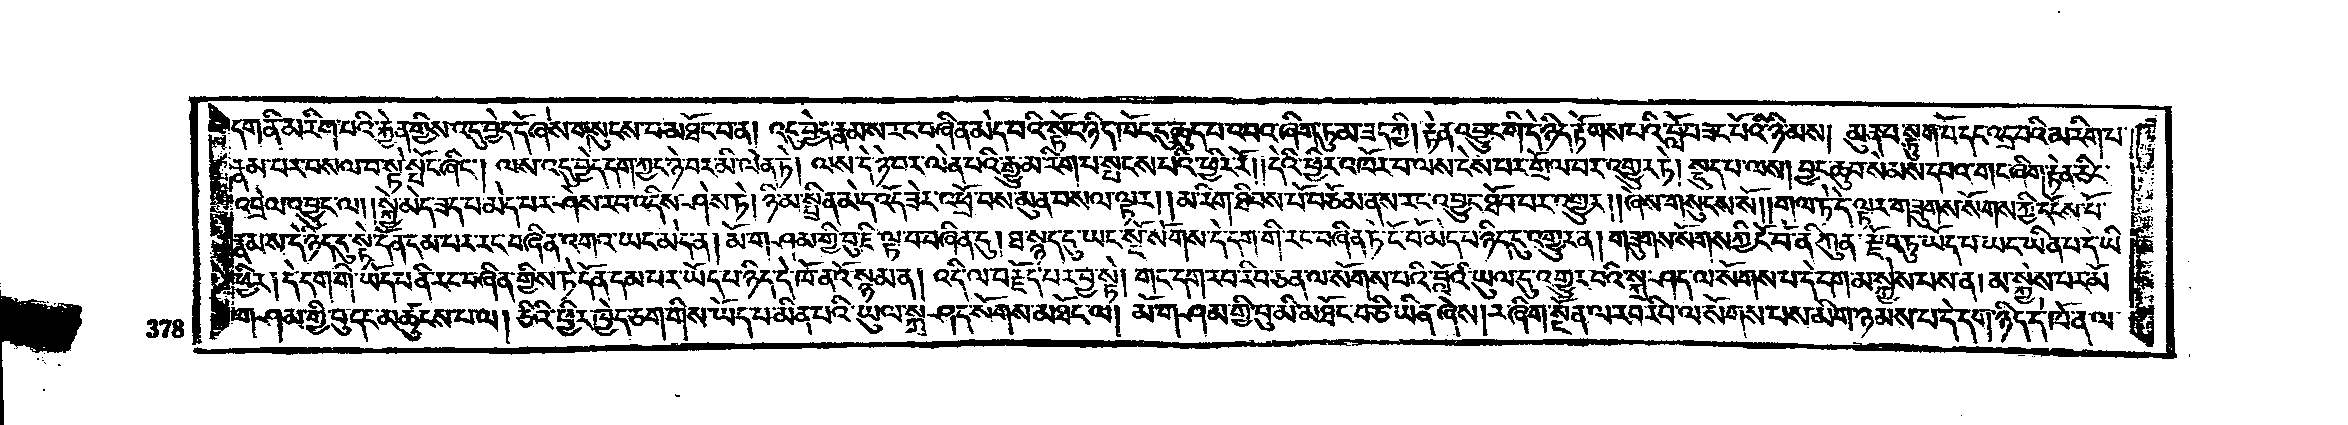དག་ནི་མ་རིག་པའི་རྐྱེན་གྱིས་འདུ་བྱེད་དོ་ཞེས་གསུངས་པ་མཐོང་བ་ན། འདུ་བྱེད་རྣམས་རང་བཞིན་མེད་པའི་སྟོང་ཉིད་ཁོང་དུ་ཆུད་པ་འབའ་ཞིག་ཏུ་མ་ཟད་ཀྱི། རྟེན་འབྱུང་གི་དེ་ཉིད་རྟོགས་པའི་བློ་བཟང་པོའི་ཉི་མས། མུན་པ་སྟུག་པོ་དང་འདྲ་བའི་མ་རིག་པ་
རྣམ་པར་བསལ་བ་སྟེ་སྤོང་ཞིང་། ལས་འདུ་བྱེད་དག་ཀྱང་ཉེ་བར་མི་ལེན་ཏེ། ལས་དེ་ཉེ་བར་ལེན་པའི་རྒྱུ་མ་རིག་པ་སྤངས་པའི་ཕྱིར་རོ། །དེའི་ཕྱིར་འཁོར་བ་ལས་ངེས་པར་གྲོལ་བར་འགྱུར་ཏེ། སྡུད་པ་ལས། བྱང་ཆུབ་སེམས་དཔའ་གང་ཞིག་རྟེན་ཅིང་
འབྲེལ་འབྱུང་ལ། །སྐྱེ་མེད་ཟད་པ་མེད་པར་ཤེས་རབ་འདིས་ཤེས་ཏེ། ཉི་མ་སྤྲིན་མེད་འོད་ཟེར་འཕྲོ་བས་མུན་བསལ་ལྟར། །མ་རིག་ཐིབས་པོ་བཅོམ་ནས་རང་འབྱུང་ཐོབ་པར་འགྱུར། །ཞེས་གསུངས་སོ། །གལ་ཏེ་དེ་ལྟར་གཟུགས་སོགས་ཀྱི་དངོས་པོ་
རྣམས་དེ་ཉིད་དུ་སྟེ་དོན་དམ་པར་རང་བཞིན་འགའ་ཡང་མེད་ན། མོ་གཤམ་གྱི་བུ་ཇི་ལྟ་བ་བཞིན་དུ། ཐ་སྙད་དུ་ཡང་སྔོ་སོགས་དེ་དག་གི་རང་བཞིན་ཏེ་ངོ་བོ་མེད་པ་ཉིད་དུ་འགྱུར་ན། གཟུགས་སོགས་ཀྱི་ངོ་བོ་ནི་ཀུན་རྫོབ་ཏུ་ཡོད་པ་ཡང་ཡིན་པ་དེ་ཡི་
ཕྱིར། དེ་དག་གི་ཡོད་པ་ནི་རང་བཞིན་གྱིས་ཏེ་དོན་དམ་པར་ཡོད་པ་ཉིད་དེ་ཁོ་ན་འོ་སྙམ་ན། འདི་ལ་བརྗོད་པར་བྱ་སྟེ། གང་དག་རབ་རིབ་ཅན་ལ་སོགས་པའི་བློའི་ཡུལ་དུ་འགྱུར་བའི་སྐྲ་ཤད་ལ་སོགས་པ་དེ་དག་མ་སྐྱེས་པས་ན། མ་སྐྱེས་པར་མོ་
གཤམ་གྱི་བུ་དང་མཚུངས་པ་ལ། ཅིའི་ཕྱིར་ཁྱེད་ཅག་གིས་ཡོད་པ་མིན་པའི་ཡུལ་སྐྲ་ཤད་སོགས་མཐོང་ལ། མོ་གཤམ་གྱི་བུ་མི་མཐོང་བ་ཅི་ཡིན་ཞེས། རེ་ཞིག་སྔོན་ལ་རབ་རིབ་ལ་སོགས་པས་མིག་ཉམས་པ་དེ་དག་ཉིད་དེ་ཁོ་ན་ལ་